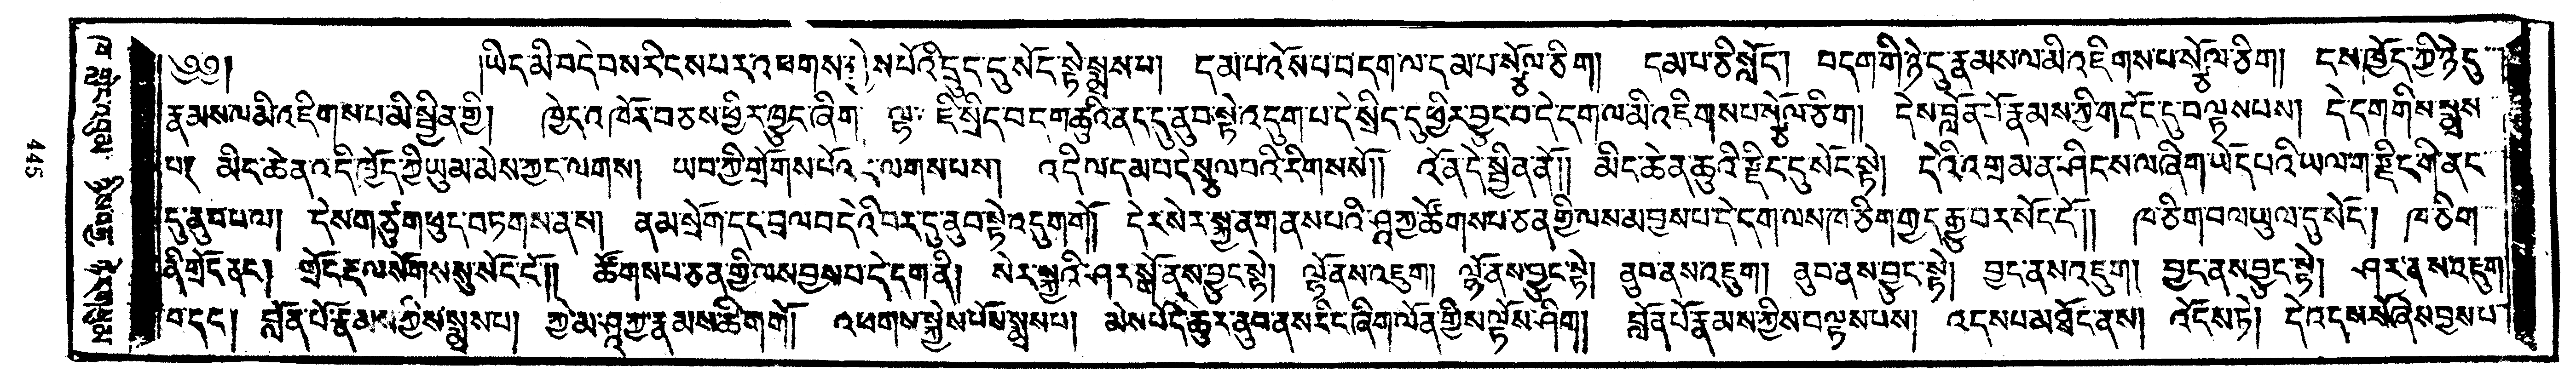༄༅། །ཡིད་མི་བདེབས་རིངས་པར་འཕགས་སྐྱེས་པོའི་དྲུང་དུ་སོང་སྟེ་སྨྲས་པ། དམ་པ་འོས་པ་བདག་ལ་དམ་པ་སྩལ་ཅིག །དམ་པ་ཅི་སློང་། བདག་གི་ཉེ་དུ་རྣམས་ལ་མི་འཇིགས་པ་སྩོལ་ཅིག། ངས་ཁྱོད་ཀྱི་ཉེ་དུ་
རྣམས་ལ་མི་འཇིགས་པ་མི་སྦྱིན་གྱི། ཁྱེད་འཁོར་བཅས་ཕྱིར་ཁྱུང་ཞིག། ལྷཿ ཇི་སྲིད་བདག་ཆུའི་ནང་དུ་ནུབ་སྟེ་འདུག་པ་དེ་སྲིད་དུ་ཕྱིར་བྱུང་བ་དེ་དག་ལ་མི་འཇིགས་པ་སྩོལ་ཅིག། དེས་བློན་པོ་རྣམས་ཀྱི་གདོང་དུ་བལྟས་པས། དེ་དག་གིས་སྨྲས་
པ༑ མིང་ཆེན་འདི་ཁྱོད་ཀྱི་ཡུམ་མེས་ཀྱང་ལགས། ཡབ་ཀྱི་གྲོགས་པོའང་ལགས་པས། འདི་ལ་དམ་པ་དེ་སྩལ་པའི་རིགས་སོ། །འོ་ན་དེ་སྦྱིན་ནོ། །མིང་ཆེན་ཆུའི་རྫིང་དུ་སོང་སྟེ། དེའི་འགྲམ་ན་ཤིང་ས་ལ་ཞིག་ཡོད་པའི་ཡན་ལག་རྫིང་གི་ནང་
དུ་ནུབ་པ་ལ། དེས་གཙུག་ཕུད་བཏགས་ནས། ནམ་སྲོག་དང་བྲལ་བ་དེའི་བར་དུ་ནུབ་སྟེ་འདུག་གོ། དེར་སེར་སྐྱ་ན་གནས་པའི་ཤཱཀྱ་ཚོགས་པ་ཅན་གྱི་ལས་མ་བྱས་པ་དེ་དག་ལས་ཁ་ཅིག་གྱད་རྒྱུ་བར་སོང་ངོ། །ཁ་ཅིག་བལ་ཡུལ་དུ་སོང་། ཁ་ཅིག་
ནི་གྲོང་ནང་། གྲོང་རྡལ་སོགས་སུ་སོང་ངོ། །ཚོགས་པ་ཅན་གྱི་ལས་བྱས་པ་དེ་དག་ནི། སེར་སྐྱའི་ཤར་སྒོ་ནས་བྱུང་སྟེ། ལྷོ་ནས་འཇུག། ལྷོ་ནས་བྱུང་སྟེ། ནུབ་ནས་འཇུག། ནུབ་ནས་བྱུང་སྟེ། བྱང་ནས་འཇུག། བྱང་ནས་བྱུང་སྟེ། ཤར་ནས་འཇུག་
བ་དང་། བློན་པོ་རྣམས་ཀྱིས་སྨྲས་པ། ཀྱེ་མ་ཤཱཀྱ་རྣམས་ཚིག་གོ། འཕགས་སྐྱེས་པོས་སྨྲས་པ། མེས་པོ་དེ་ཆུར་ནུབ་ནས་རིང་ཞིག་ལོན་གྱིས་ལྟོས་ཤིག། བློན་པོ་རྣམས་ཀྱིས་བལྟས་པས། འདས་པ་མཐོང་ནས། འོངས་ཏེ། དེ་འདས་སོ་ཞེས་བྱས་པ་